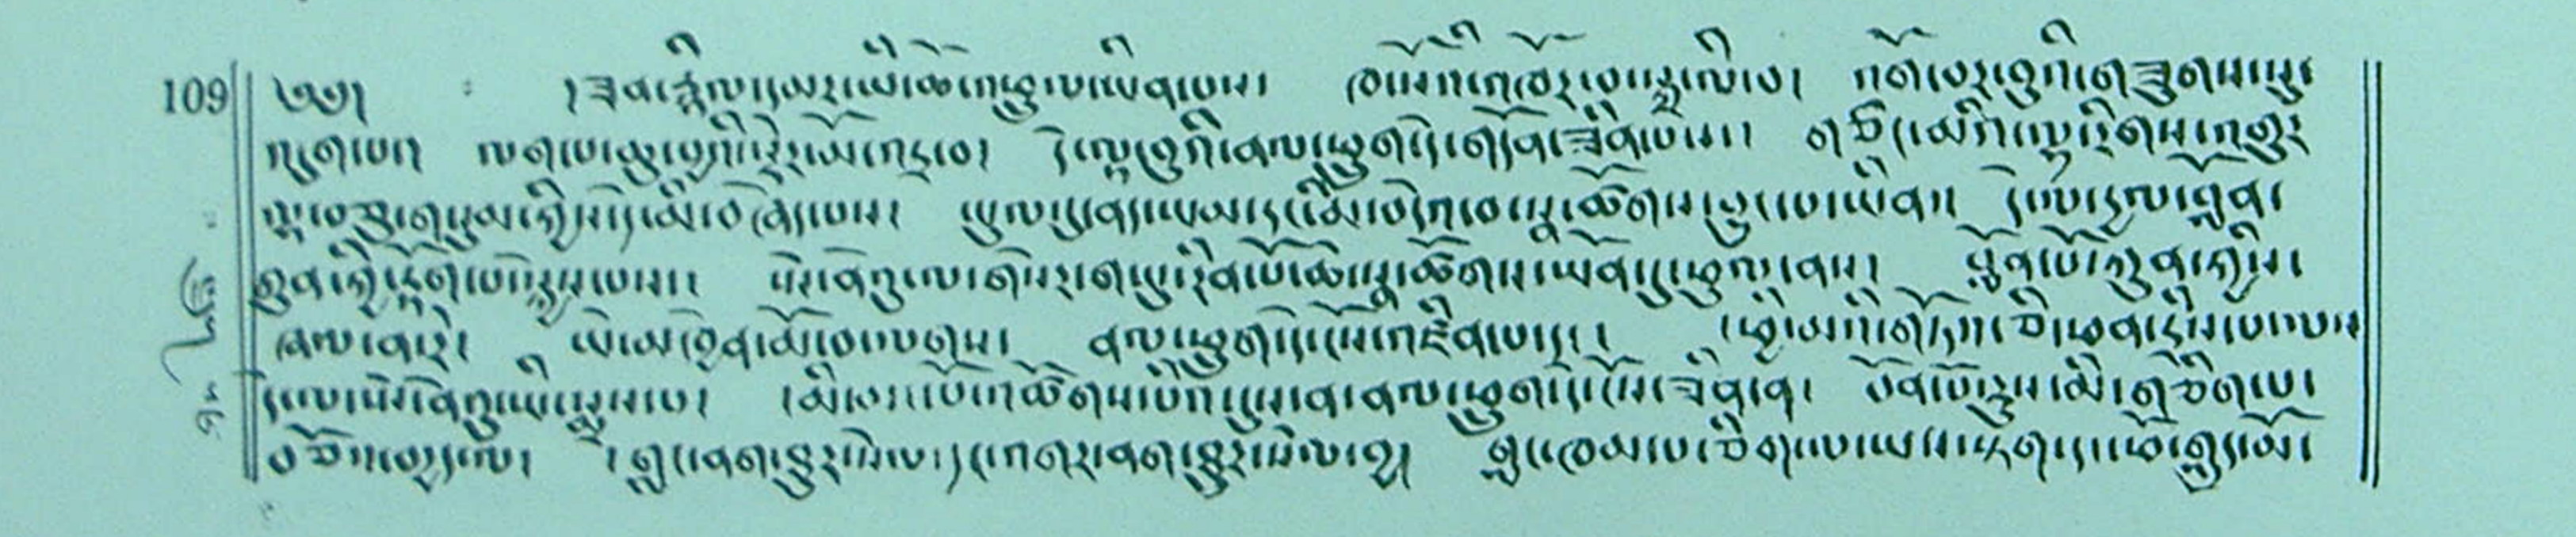༄༅། །ཟན་རྙིལ་དམར་བའི་ཆོ་འཕྲུལ་ཡིན་པས། ཁ་སོ་ཡི་འཁོར་བ་སྐྲ་ལི་བ། མགོ་བར་བུའི་གཟུགས་སུ་
འདུག་པ། ལག་པ་ཆུ་བྱའི་སྡེར་མོ་འདྲ་བ། དེ་ལྟ་བུའི་ནལ་ཕྲུག་དེ་གདོན་ཟིན་པས། གཙང་མའི་ལྷ་རིགས་མགུར་
ལྷ་བཅུ་གསུམ་གྱིས་དེ་མི་བཞེད་པས། ཡུལ་དུ་ནད་ཡམས་དང་མི་བདེ་བ་སྣ་ཚོགས་བྱུང་བ་ཡིན། དེ་ལ་རྒྱལ་བློན་
ཀུན་ཀྱི་རྟོག་པ་སྐྱེས་པས། སྤེ་ནེའུ་ལ་གསེར་གཡུ་རིན་པོ་ཆེ་སྣ་ཚོགས་ཡོན་དུ་ཕུལ་ནས། བློན་པོ་ཀུན་ཀྱི་
ཞལ་ན་རེ། ཡེ་མཁྱེན་མོ་བ་ལགས། ནལ་ཕྲུག་དེ་ངོས་འཛིན་པ་དང་། ཕྱི་མའི་གཏོ་ཅི་ཕན་དྲིས་པ་ལས།
 དེ་ལ་སྤེ་ནེའུ་ཡིས་སྨྲས་པ། མི་མང་པོ་འཚོགས་པའི་དུས་ན་ནལ་ཕྲུག་དེ་ངོས་ཟིན་ན། བོན་པོ་རུས་མི་གཅིག་པ་
བཅོ་བརྒྱད་ལ། གླང་ནག་ཐུར་སེལ་དང་འགར་ནག་ཐུར་སེལ་བྱ། གླང་ཁམས་པ་གཅིག་ལ་ཡས་སྟག་དང་ཕོ་གླུད་མོ་